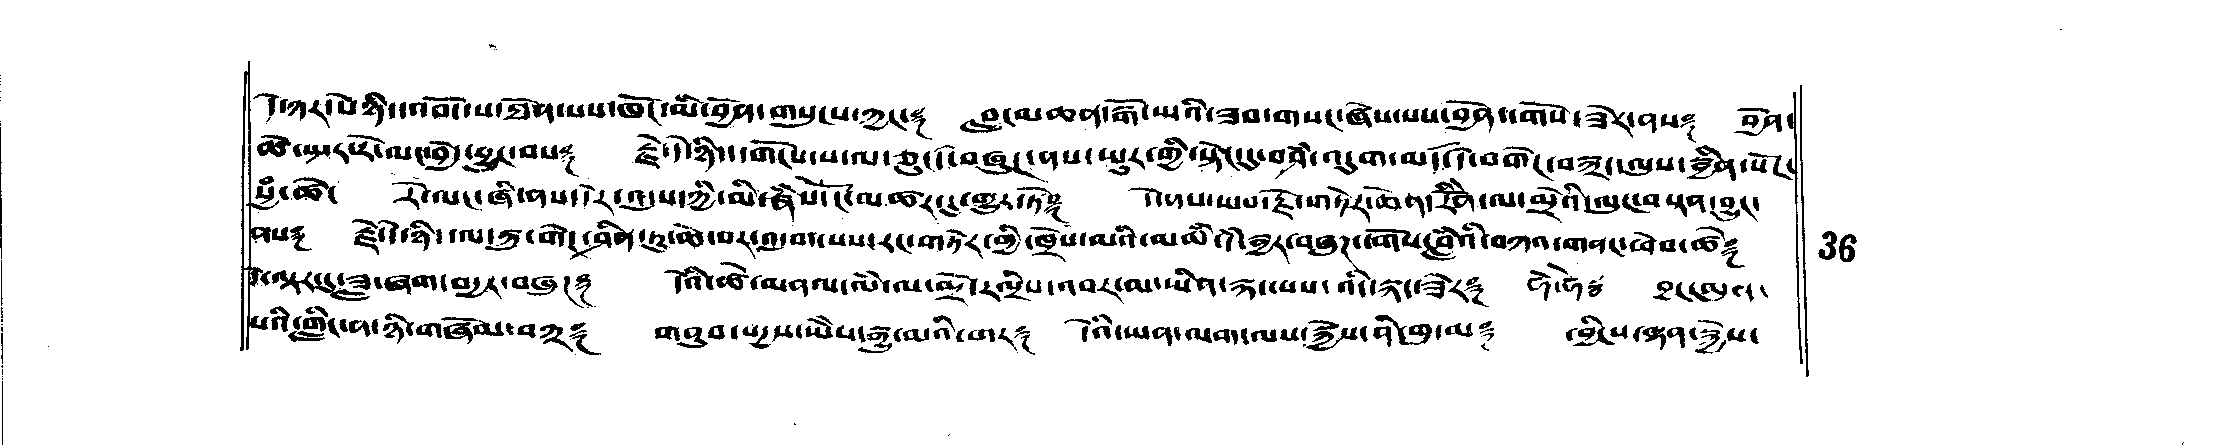དེ་ཀར་ངེད་ཉིད་འབོད་པ་ཐོན་པས་ཁོང་མི་བྱོན་གསུངས་ཀྱང་། བླ་མཆན་སྒོ་ཡའི་ཟབ་གསང་ཞེས་པས་བྱོན་གོས་ཟེར་ནས། བྱོན་
ཚེ་སྤུར་རོ་ལང་བྱས་བྱུང་བས། རྗེ་དེ་ཉིད་དགོངས་པ་ལ་ཅུང་ཟད་བཞུགས་ནས་སྤུར་གྱི་སྟེང་དུ་བཤམ་འདུག་མཛད་དེ་བགེགས་བསྐྲད་ལུས་སྦྱིན་སོགས་
གསུང་ཚེ། རོ་ལང་ཞི་ནས་དེར་འདུས་ཀྱི་མི་རྣམས་ངོ་མཚར་དུ་གྱུར་ཏོ། དེ་ནས་ཡབ་རྗེ་གཏེར་ཆེན་རིན་པོ་ཆེ་ལ་མཁའ་འགྲོའི་ལུང་བསྟན་བྱུང་
ནས། རྗེ་དེ་ཉིད་ལ་སྐུ་གེགས་ཤིན་ཏུ་ཆེ་བར་འདུག་པས་རང་གཏེར་གྱི་ཁྲོས་མའི་མཚམས་དམ་སྦྱར་བཞུགས་དགོས་བླ་མའི་བཀའ་གནང་ཕེབས་ཚེ། 
དེ་ལྟར་དུ་ཟླ་ཞག་བརྒྱར་བཞུགས། དེའི་ཚེ་མནལ་ལམ་ལ་མཁའ་འགྲོ་རལ་གྲི་འབར་མ་ཡིན་སྐད་པས་འདི་སྐད་ཟེར། ཧེ་ཧེ༔ བྱང་མུན་
པའི་གླིང་ན་ཉི་གཞོན་བཀྲ། །གནུབས་སངས་རྒྱས་ཡེ་ཤེས་སྒྱུ་མའི་གར། །དེའི་ཡན་ལག་ལས་སྐྱེས་ནི་གུ་མ། །དབྱིངས་ལྷན་སྐྱེས་